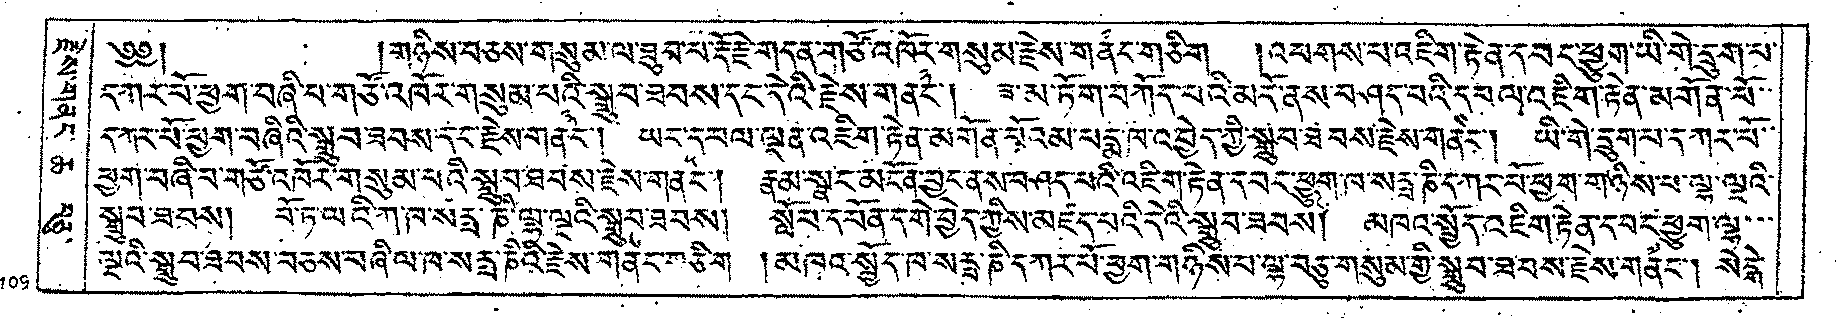༄༅། །གཉིས་བཅས་གསུམ་ལ་ཐུབ་པ་རྡོ་རྗེ་གདན་གཙོ་འཁོར་གསུམ་རྗེས་གནང་གཅིག །འཕགས་པ་འཇིག་རྟེན་དབང་ཕྱུག་ཡི་གེ་དྲུག་པ་
དཀར་པོ་ཕྱག་བཞི་པ་གཙོ་འཁོར་གསུམ་པའི་སྒྲུབ་ཐབས་དང་དེའི་རྗེས་གནང ༢། ཟ་མ་ཏོག་བཀོད་པའི་མདོ་ནས་བཤད་པའི་དཔལ་འཇིག་རྟེན་མགོན་པོ་
དཀར་པོ་ཕྱག་བཞིའི་སྒྲུབ་ཐབས་དང་རྗེས་གནང ༣། ཡང་དཔལ་ལྡན་འཇིག་རྟེན་མགོན་པོའམ་པདམ་ཁ་འབྱེད་ཀྱི་སྒྲུབ་ཐབས་རྗེས་གནང ༤། ཡི་གེ་དྲུག་པ་དཀར་པོ་
ཕྱག་བཞི་པ་གཙོ་འཁོར་གསུམ་པའི་སྒྲུབ་ཐབས་རྗེས་གནང ༥། རྣམ་སྣང་མངོན་བྱང་ནས་བཤད་པའི་འཇིག་རྟེན་དབང་ཕྱུག་ཁ་སརྤ་ཎི་དཀར་པོ་ཕྱག་གཉིས་པ་ལྷ་ལྔའི་
སྒྲུབ་ཐབས། པོ་ཏ་ལའི་ཀ་ཁ་སརྤ་ཎི་ལྷ་ལྔའི་སྒྲུབ་ཐབས། སློབ་དཔོན་དགེ་བྱེད་ཀྱིས་མཛད་པའི་དེའི་སྒྲུབ་ཐབས། མཁའ་སྤྱོད་འཇིག་རྟེན་དབང་ཕྱུག་ལྷ་
ལྔའི་སྒྲུབ་ཐབས་བཅས་བཞི་ལ་ཁ་སརྤ་ཎིའི་རྗེས་གནང ༦་གཅིག །མཁའ་སྤྱོད་ཁ་སརྤ་ཎི་དཀར་པོ་ཕྱག་གཉིས་པ་ལྷ་བཅུ་གསུམ་གྱི་སྒྲུབ་ཐབས་རྗེས་གནང ༧། སེངྒེ་